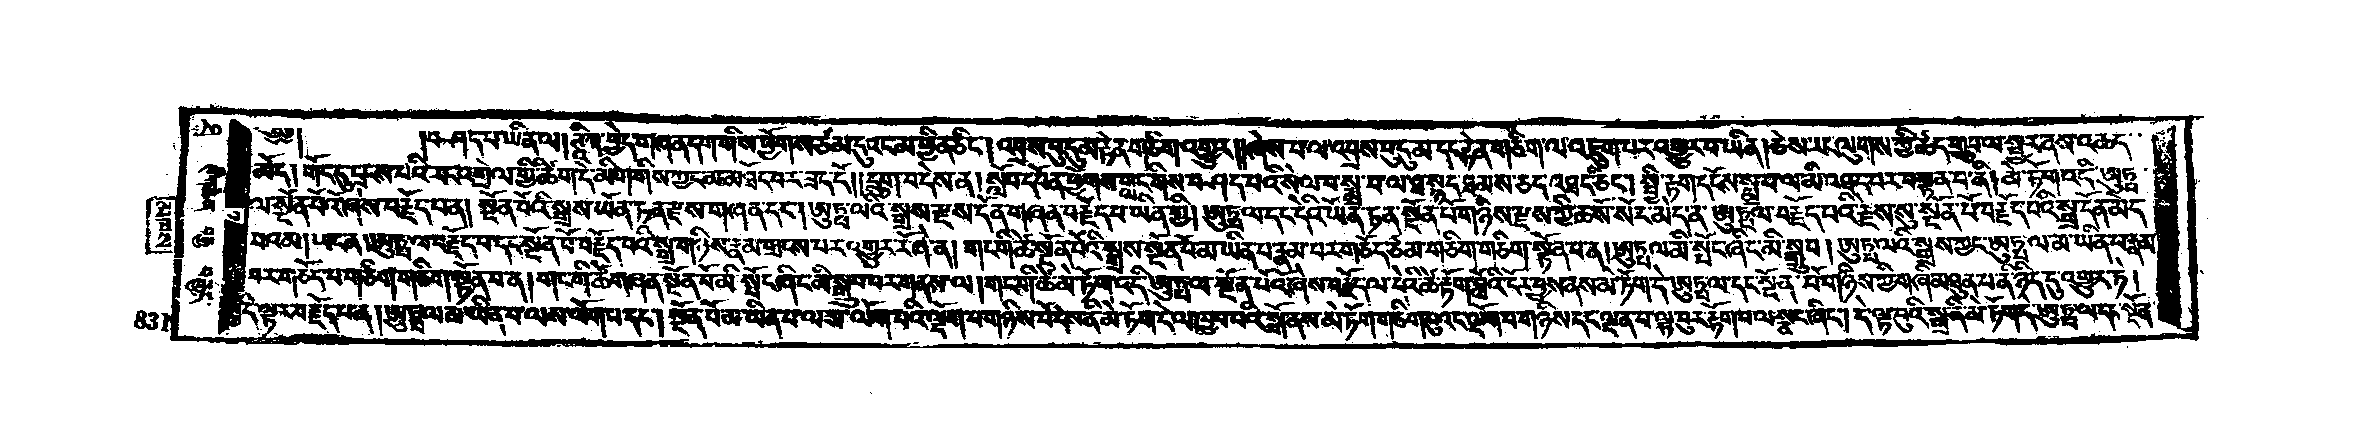༄༅། །བཤད་པ་ཡིན་ལ། ཊཱིཀ་བྱེད་གཞན་དག་གིས་ཕྱོགས་ཙམ་དུའང་མ་ཕྱིན་ཅིང་། འབྲས་བུ་དུ་མ་རྟེན་གཅིག་འགྱུར། །ཞེས་པ་ལ་འབྲས་བུ་དུ་མ་དང་རྟེན་གཅིག་ལ་འཇུག་པར་འགྱུར་བ་ཡིན། ཅེས་རང་ལུགས་ཀྱི་ཚད་གྲུབ་ལ་སྦྱར་ནས་འཆད་
མོད། གོང་དུ་དྲངས་པའི་རང་འགྲེལ་གྱི་ཚིག་དེ་མིག་གིས་ཀྱང་མ་མཐོང་བར་ཟད་དོ། །དྲུག་པ་དེས་ན། སློབ་དཔོན་ཕྱོགས་གླང་གིས་བཤད་པའི་སེལ་བ་སྨྲ་བ་ལ་ཐ་སྙད་ཐམས་ཅད་འཐད་ཅིང་། སྤྱི་རྟག་དངོས་སྨྲ་བ་ལ་མི་འཐད་པར་བསྟན་པ་ནི། མེ་ཏོག་འདི་ཨུཏྤ་
ལ་སྔོན་པོའོ་ཞེས་བརྗོད་པ་ན། སྔོན་པོའི་སྒྲས་ཡོན་ཏན་རྫས་གཞན་དང་། ཨུཏྤ་ལའི་སྒྲས་རྫས་དོན་གཞན་བརྗོད་པ་ཡིན་གྱི། ཨུཏྤ་ལས་དང་དེའི་ཡོན་ཏན་སྔོན་པོ་གཉིས་རྫས་ཀྱི་ཆ་སོ་སོར་མེད་ན་ཨུཏྤ་ལའི་བརྗོད་པའི་རྗེས་སུ་སྔོན་པོ་བརྗོད་པའི་སྒྲ་དོན་མེད་
བའམ། ཡང་ན། ཨུཏྤ་ལ་བརྗོད་པ་དང་སྔོན་པོ་བརྗོད་པའི་སྒྲ་གཉིས་རྣམ་གྲངས་པར་འགྱུར་རོ་ཞེ་ན། གང་གི་ཚེ་སྔོན་པའི་སྒྲས་སྔོན་པོ་མ་ཡིན་པ་རྣམ་པར་གཅོད་ཙམ་གཅིག་གཅིག་སྟོན་པ་ན། ཨུཏྤ་ལའི་མི་སྤོང་ཞིང་མི་སྒྲུབ། ཨུཏྤ་ལའི་སྒྲས་ཀྱང་ཨུཏྤ་ལ་མ་ཡིན་པ་རྣམ་
བར་གཅོད་པ་གཅིག་གཅིག་སྟོན་པ་ན། གང་གི་ཚེ་གཞན་སྔོན་པོ་མི་སྤོང་ཞིང་མི་སྒྲུབ་པར་གནས་ལ། གང་གི་ཚེ་མེ་ཏོག་འདི་ཨུཏྤལ་སྔོན་པོའོ་ཞེས་བརྗོད་ལ་དེའི་ཚེ་རྟོག་བློའི་ངོར་བྱས་ནས་མེ་ཏོག་དེ་ཨུཏྤ་ལ་དང་སྔོན་པོ་གཉིས་ཀྱི་གཞི་མཐུན་པ་ནི་ཉིད་དུ་འགྱུར་ཏེ།
དེ་ལྟར་བརྗོད་པ་ན། ཨུཏྤ་ལ་མ་ཡིན་པ་ལས་ལོག་པ་དང་། སྔོན་པོ་མ་ཡིན་པ་ལས་ལོག་པའི་ལྡོག་པ་གཉིས་པོ་དེས་ནི་མེད་ཏོག་དེ་ལ་ཁྱབ་པའི་སྒོ་ནས་མེ་ཏོག་གཅིག་པུའང་ལྡོག་པ་གཉིས་དང་ལྡན་པ་ལྟ་བུར་རྟོག་པ་ལ་སྣང་ཞིང་། དེ་ལྟ་བུའི་སྒྲ་ནི་མེ་ཏོག་དེ་ཨུཏྤ་ལ་དང་སྔོན་